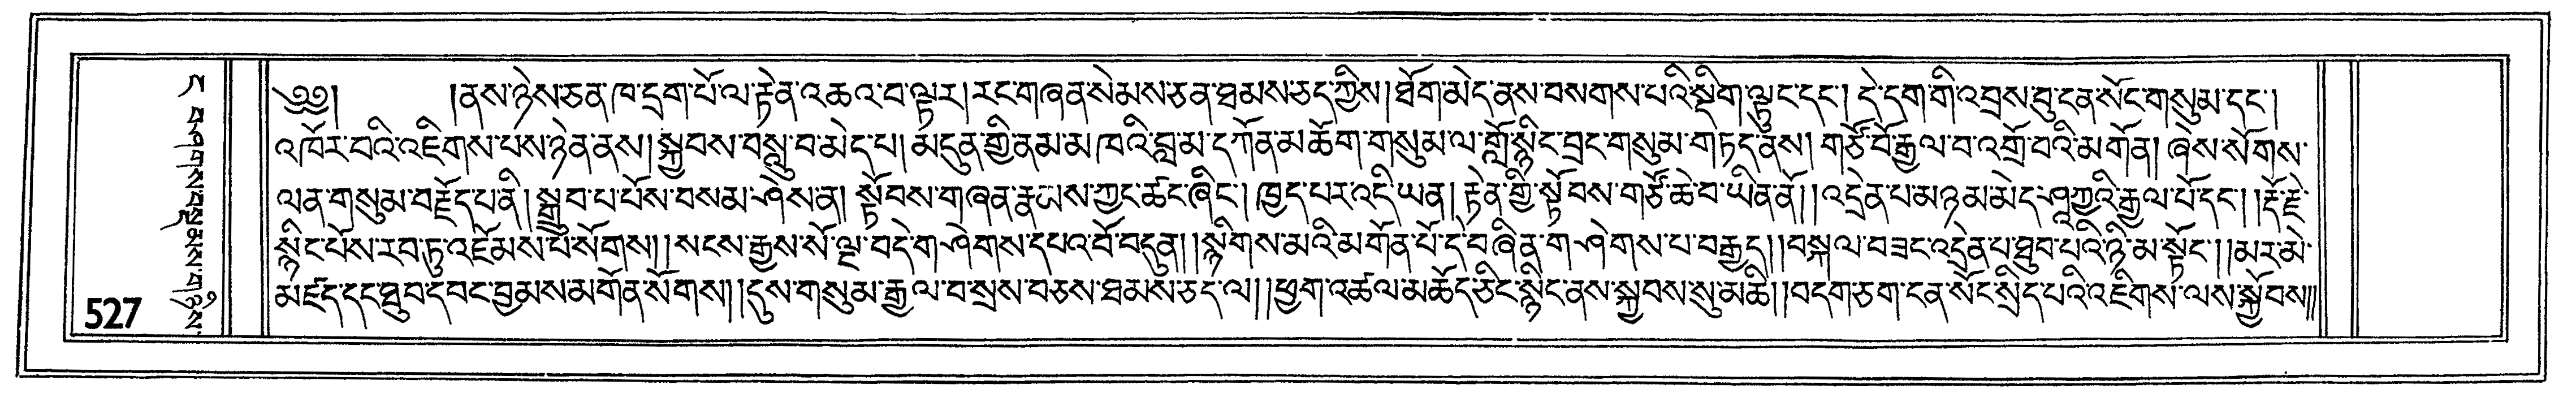༄༅། །ནས་ཉེས་ཅན་ཁ་དྲག་པོ་ལ་རྟེན་འཆའ་བ་ལྟར། རང་གཞན་སེམས་ཅན་ཐམས་ཅད་ཀྱིས། ཐོག་མེད་ནས་བསགས་པའི་སྡིག་ལྟུང་དང་། དེ་དག་གི་འབྲས་བུ་ངན་སོང་གསུམ་དང་།
འཁོར་བའི་འཇིགས་པས་ཉེན་ནས། སྐྱབས་བསླུ་བ་མེད་པ། མདུན་གྱི་ནམ་མཁའི་བླ་མ་དཀོན་མཆོག་གསུམ་ལ་གློ་སྙིང་བྲང་གསུམ་གཏད་ནས། གཙོ་བོ་རྒྱལ་བ་འགྲོ་བའི་མགོན། ཞེས་སོགས་
ལན་གསུམ་བརྗོད་པ་ནི། སྒྲུབ་པ་པོས་བསམ་ཤེས་ན། སྟོབས་གཞན་རྣམས་ཀྱང་ཚང་ཞིང་། ཁྱད་པར་འདི་ཡན། རྟེན་གྱི་སྟོབས་གཙོ་ཆེ་བ་ཡིན་ནོ། །འདྲེན་པ་མཉམ་མེད་ཤཱཀྱའི་རྒྱལ་པོ་དང་། །རྡོ་རྗེ་
སྙིང་པོས་རབ་ཏུ་འཇོམས་པ་སོགས། །སངས་རྒྱས་སོ་ལྔ་བདེ་གཤེགས་དཔའ་བོ་བདུན། །སྙིགས་མའི་མགོན་པོ་དེ་བཞིན་གཤེགས་པ་བརྒྱད། །བསྐལ་བཟང་འདྲེན་པ་ཐུབ་པའི་ཉི་མ་སྟོང་། །མར་མེ་
མཛད་དང་ཐུབ་དབང་བྱམས་མགོན་སོགས། །དུས་གསུམ་རྒྱལ་བ་སྲས་བཅས་ཐམས་ཅད་ལ། །ཕྱག་འཚལ་མཆོད་ཅིང་སྙིང་ནས་སྐྱབས་སུ་མཆི། །བདག་ཅག་ངན་སོང་སྲིད་པའི་འཇིགས་ལས་སྐྱོབས།།